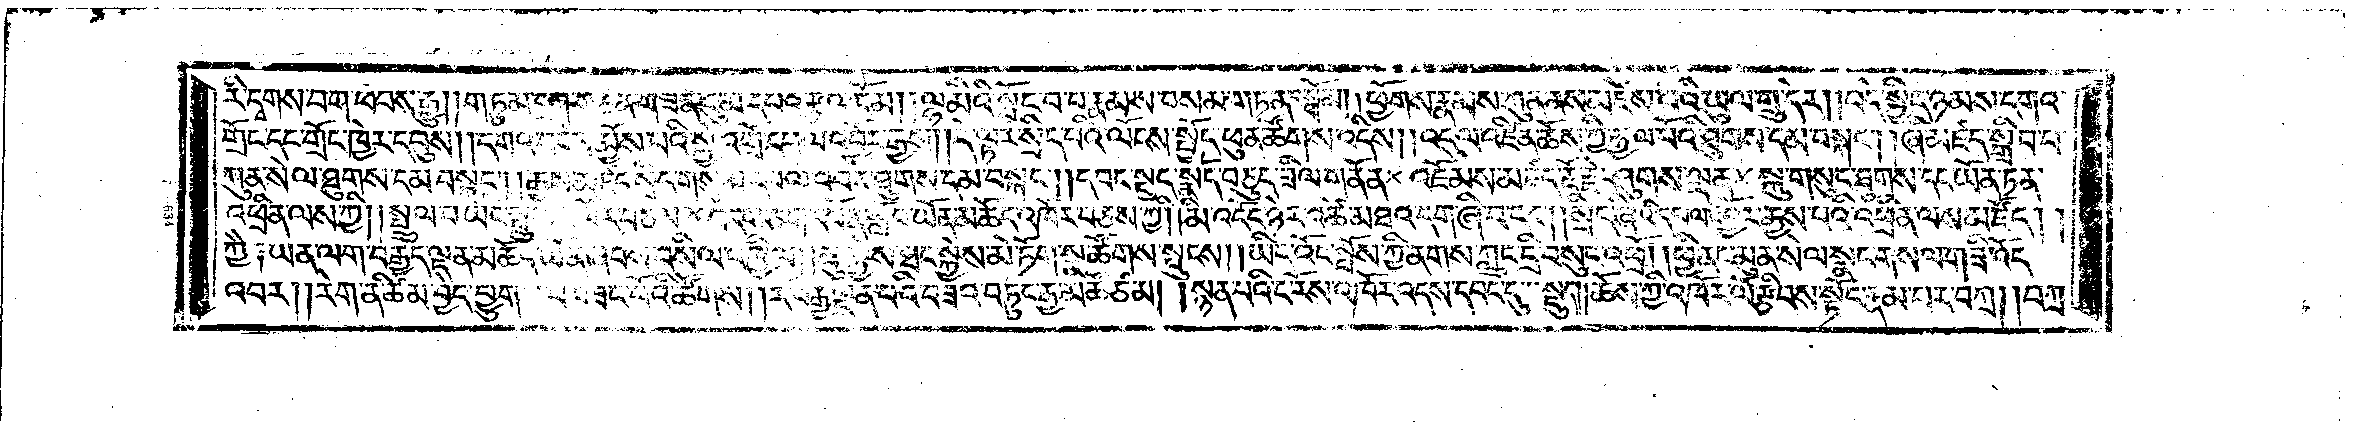རི་དྭགས་བག་ཕེབས་རྒྱུ། །གཏུམ་དྲག་གཅན་གཟན་དུ་མ་དཔའ་རྩལ་ངོམ། །ལྷ་མའི་སྤོང་བ་པ་རྣམས་བསམས་གཏན་བསྒོམ། །ཕྱོགས་རྣམས་ཀུན་ནས་མཛེས་པའི་ཡུལ་གྲུ་དེར། །བདེ་སྐྱིད་ཉམས་དགའ་
གྲོང་དང་གྲོང་ཁྱེར་དབུས། །དགའ་བདེས་མོས་པའི་སྐྱེ་འགྲོ་དཔལ་འབྱོར་རྒྱས། །དེ་ལྟར་སྲིད་པའི་ལོངས་སྤྱོད་ཕུན་ཚོགས་འདིས། །འདུལ་འཛིན་ཆོས་ཀྱི་རྒྱལ་པོའི་ཐུགས་དམ་བསྐང་། །ཞི་མཛད་སྒྲིབ་པ་
ཀུན་སིལ་ཐུགས་དམ་བསྐང་། །རྒྱས་མཛོད་སྲིད་གསུམ་དཔལ་འབར་ཐུགས་དམ་བསྐང་། །དབང་སྡུད་སྣོད་བཅུད་ཟིལ་གནོན྾་འཇོམས་མཛད་རྡོ་རྗེ་ཤུགས་ལྡན྾་སྐུ་གསུང་ཐུགས་དང་ཡོན་ཏན་
འཕྲིན་ལས་ཀྱི། །སྤྲུལ་བ་ཡང་སྤྲུལ་འཁོར་བཅས྾་བདག་ཅག་དཔོན་སློབ་ཡོན་མཆོད་འཁོར་བཅས་ཀྱི། །མི་འདོད་ཉེར་འཚེ་མཐའ་དག་ཞི་བ་དང་། །སྲིད་ཞིའི་དཔལ་འབྱོར་རྒྱས་པའི་འཕྲིན་ལས་མཛོད། །
ཀྱཻ༑ ཡན་ལག་བརྒྱད་ལྡན་མཆོད་ཡོན་ཞབས་བསིལ་འཁྱིལ། །ཆུ་སྐྱེས་ཐང་སྐྱེས་མེ་ཏོག་སྣ་ཚོགས་སྤུངས། །ཡིད་འོང་སྤོས་ཀྱི་ནགས་ཀླུང་དྲི་བསུང་འཕྲོ། །ཕྱི་ནང་མུན་སེལ་སྣང་གསལ་གཟི་འོད་
འབར། །རེག་ན་ཚིམ་བྱེད་བྱུག་པ་བཟང་པོའི་ཚོགས། །རོ་བརྒྱ་ལྡན་པའི་བཟའ་བཏུང་རྒྱ་མཚོ་ཙམ། །སྙན་པའི་ང་རོས་འཁོར་འདས་དབང་དུ་སྡུད། །ཆོས་ཀྱི་འཁོར་ལོ་རྩིབས་སྟོང་རྣམ་པར་བཀྲ། །བཀྲ་